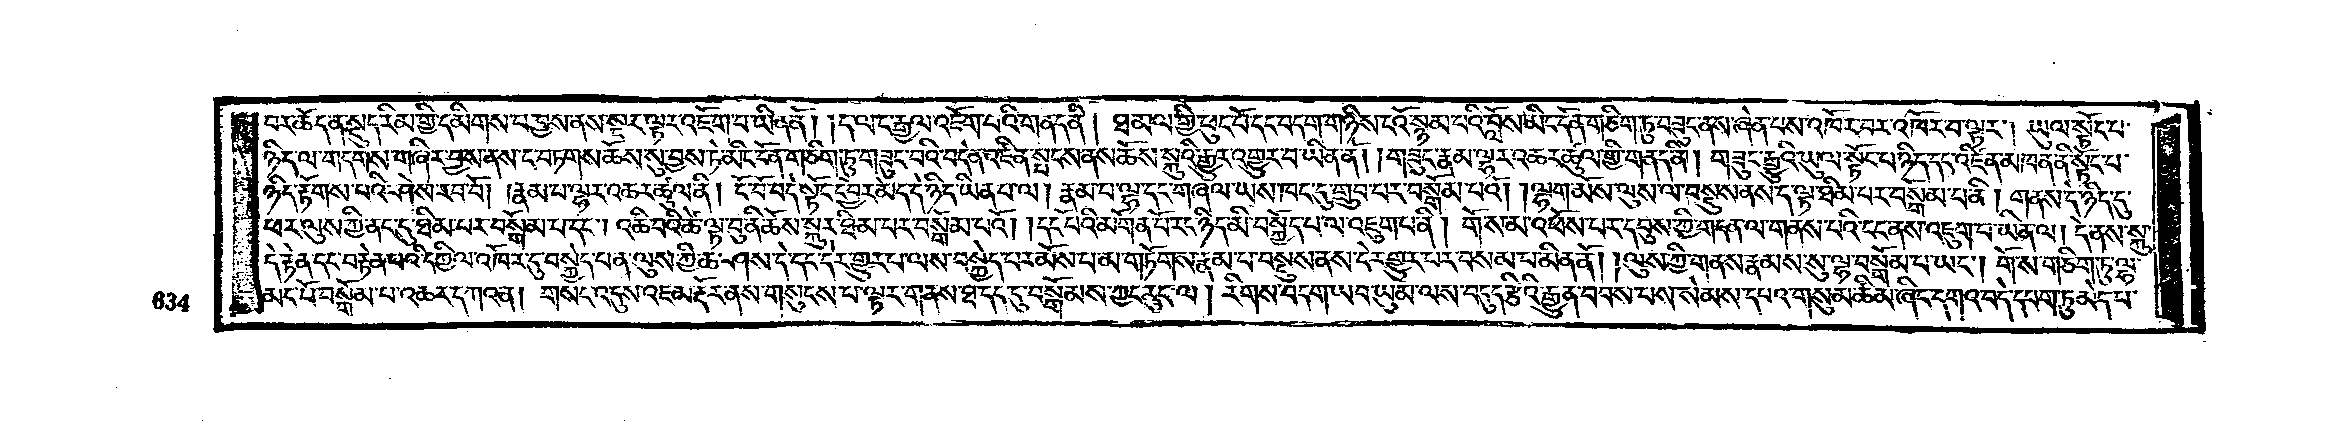བར་ཆོད་ན་སྡུད་རིམ་གྱི་དམིགས་པ་བྱས་ནས་སྔར་ལྟར་འཇོག་པ་ཡིན་ནོ། །དེ་ལ་ང་རྒྱལ་འཇོག་པའི་གནད་ནི། ཐ་མལ་གྱི་ཕུང་པོ་དང་བདག་གཉིས་ངའོ་སྙམ་པའི་བློས་མིང་དོན་གཅིག་ཏུ་བཟུང་ནས་ཞེན་པས་འཁོར་བར་འཁོར་བ་ལྟར། ཡུལ་སྟོང་པ་
ཉིད་ལ་གདགས་གཞིར་བྱས་ནས་ང་བཏགས་ཆོས་སུ་བྱས་ཏེ་མིང་དོན་གཅིག་ཏུ་གཟུང་བའི་བདེན་འཛིན་སྤངས་ནས་ཆོས་སྐུའི་རྒྱུར་འགྱུར་བ་ཡིན་ནོ། །གཟུང་རྣམ་ལྷར་འཆར་ཚུལ་གྱི་གནད་ནི། གཟུང་རྒྱུའི་ཡུལ་སྟོང་པ་ཉིད་དང་འཛིན་མཁན་ནི་སྟོང་པ་
ཉིད་རྟོགས་པའི་ཤེས་རབ་བོ། །རྣམ་པ་ལྷར་འཆར་ཚུལ་ནི། ངོ་བོ་བདེ་སྟོང་དབྱེར་མེད་དེ་ཉིད་ཡིན་པ་ལ། རྣམ་པ་ལྷ་དང་གཞལ་ཡས་ཁང་དུ་གྲུབ་པར་བསྒོམ་པའོ། །ལྷག་མོས་ལུས་ལ་བསྡུས་ནས་ད་ལྟ་ཐིམ་པར་བསྒོམ་པ་ནི། གནས་དེ་ཉིད་དུ་
ཕར་ལུས་ཀྱི་ནང་དུ་ཐིམ་པར་བསྒོམ་པ་དང་། འཆི་བའི་ཚེ་ལྟ་བུ་ནི་ཆོས་སྐུར་ཐིམ་པར་བསྒོམ་པའོ། །དང་པོའི་མགོན་པོ་རང་ཉིད་མི་བསྐྱོད་པ་ལ་འཇུག་པ་ནི། གོ་ས་མ་འཕོས་པར་དབུས་ཀྱི་གདན་ལ་གནས་པའི་ངང་ནས་འཇུག་པ་ཡིན་ལ། དེ་ནས་སྐུ་
དེ་རྟེན་དང་བརྟེན་པའི་དཀྱིལ་འཁོར་དུ་བསྐྱེད་པ་ན་ལུས་ཀྱི་ཆ་ཤས་དེ་དང་དེར་གྱུར་པ་ལས་བསྐྱེད་པར་མོས་པ་མ་གཏོགས་རྣམ་པ་བསྡུས་ནས་དེར་གྱུར་པར་བསམ་པ་མིན་ནོ། །ལུས་ཀྱི་གནས་རྣམས་སུ་ལྷ་བསྒོམ་པ་ཡང་། གོ་ས་གཅིག་ཏུ་ལྷ་
མང་པོ་བསྒོམ་པ་འཆར་དཀའ་ན། གསང་འདུས་འཇམ་རྡོར་ནས་གསུངས་པ་ལྟར་གནས་ཐ་དད་དུ་བསྒོམས་ཀྱང་རུང་ལ། རིགས་བདག་ཡབ་ཡུམ་ལས་བདུད་རྩིའི་རྒྱུན་བབས་པས་སེམས་དཔའ་གསུམ་ཚིམ་ཞིང་དགའ་བདེ་དཔག་ཏུ་མེད་པ་